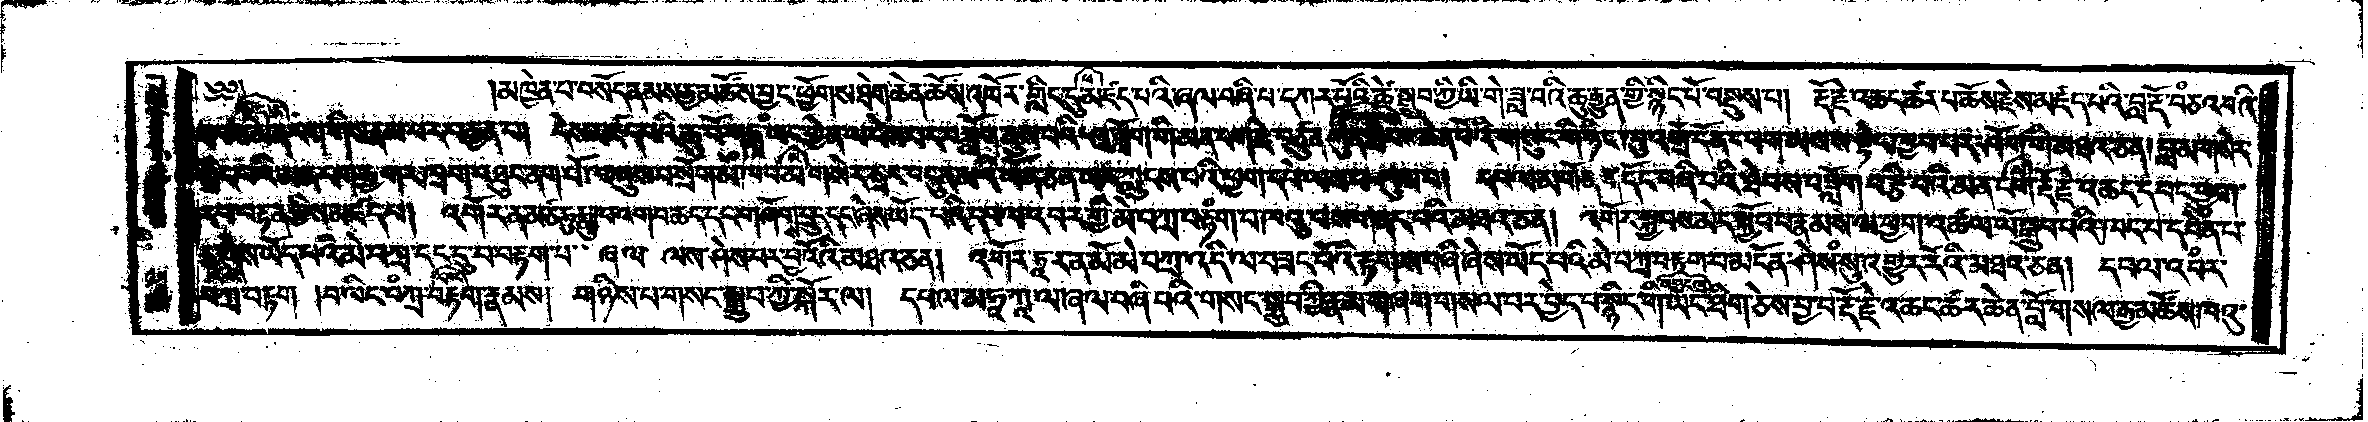༄༅། །མཁྱེན་པ་བསོད་ནམས་རྒྱ་མཚོས་བྱང་ཕྱོགས་ཐེག་ཆེན་ཆོས་འཁོར་གླིང་དུ་མཛད་པའི་ཞལ་བཞི་པ་དཀར་པོའི་ཚེ་སྒྲུབ་ཀྱི་ཡི་གེ་ཟླ་བའི་ཆུ་རྒྱུན་གྱི་སྙིང་པོ་བསྡུས་པ། རྡོ་རྗེ་འཆང་ཚར་བ་ཆོས་རྗེས་མཛད་པའི་བླ་རྡོ་བཅའ་བའི་
ཐབས་མེན་ངག་གིས་རྣམ་པར་བརྒྱན་པ། དེས་མཛད་པའི་ཆུ་བོ་གངྒཱཾ་ཡང་གྱེན་ལ་ངེས་པར་བཟློག་ནུས་པའི་ཤྭ་ཟློག་གི་མན་ངག་རྗེ་བཙུན་ཀུན་སྤངས་ཆེན་པོའི་གསུང་གི་ཉིང་ཁུ་འགྲོ་དོན་དཔག་ཡས་ས་སྟེང་ཁྱབ་བར་ཤོག་གི་མཐའ་ཅན། བླ་མ་གསེར་
གླིང་པའི་མན་ངག་རྒྱ་གར་ཁྲག་འཐུང་ནག་པོ་ལ་ཞུས་པ་སྲོག་མེཾ་ཁབ་མ་གསེར་སྲབ་འདུན་མའི་ཡོན་ཏན་ཡར་ཀླུངས་བའི་ཕྱག་དཔེ་ལས་བཤུས་པ། དཔལ་མགོན་གདོང་བཞི་པའི་ཐེབས་བཟློག་བརྩི་བའི་མན་ངག་རྡོ་རྗེ་འཆང་དབང་ཕྱུག་
རབ་བརྟན་གྱིས་མཛད་པ། འགོར་ན་མ་ཙ་ཏུ་རྨུ་ཁ་འགབ་ཆད་དང་གཞོགས་དྲུད་དང་ཞེས་ཡོད་པའི་དཔལ་འབར་གྱི་མེ་བཀྲ་བརྟགཾ་པ་ཁའུ་བས་གནང་བའི་མཐའ་ཅན། འགོར་སྐྱབས་མེད་སྐྱོབ་བ་རྣམས་ལ་ཕྱག་འཚལ་ལོ་སྒྲུབ་པའི་ཁང་པ་དབེན་པ་
རུ་ཞེས་ཡོད་པའི་མེ་བཀྲ་དང་དུ་བ་བརྟག་པ་ཞལ་ལས་ཤེས་པར་བྱའོའི་མཐའ་ཅན། འགོར་ཏཱ་ར་ན་མོ་མེ་བཀྲ་འདི་ལ་བཟང་པོའི་རྟགས་བཞི་ཞེས་ཡོད་པའི་མེ་བཀྲ་བརྟག་བ་མངོན་ཤེས་སུཾ་འགྱུར་རོའི་མཐའ་ཅན། དཔལ་འབརཾ་
བཀྲ་བརྟག །བ་ལིང་བཀྲཾ་བརྟག་རྣམས། གཉིས་པ་གསང་སྒྲུབ་ཀྱི་སྐོར་ལ། དཔལ་མཧཱ་ཀཱ་ལ་ཞལ་བཞི་བའི་གསང་སྒྲུབ་ཀྱི་རྣམ་གཞག་གསལ་བར་བྱེད་པ་སྙིང་གི་ཡང་ཐིག་ཅེས་བྱ་བ་རྡོ་རྗེ་འཆང་ཚར་ཆེན་བློ་གསལ་རྒྱ་མཚོས་ཁའུ་